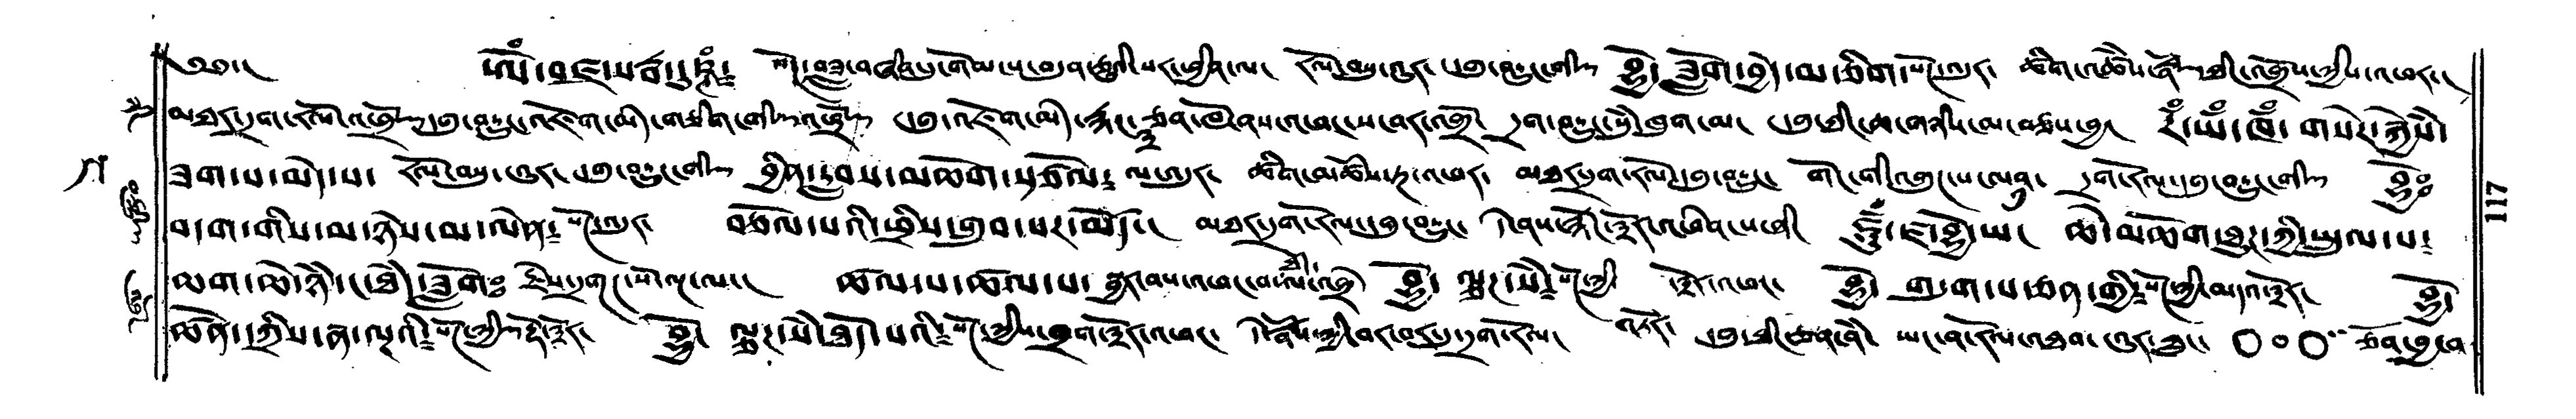ཨོཾ་བཛྲ་སརྦ་དུཥྚཾ༴ སོགས་བཟླ་བཞིན་དུ་གོམ་པ་བདུན་ཅུའི་སར་ཕྱིན་ལ། རོལ་བསུ་འུར། དགུ་རྡུང་གིས། བྷྱོ༔ ཟློག་བྱེད་མ་ཅིག༴ སོགས་འདུར། ཚིག་མཚམས་རྣམས་ཐིང་འགྲོས་ཀྱིས་འཕར། 
མཐར་དྲག་རོལ་འཕྲོས་དགུ་རྡུང་འཇོག་མེད་གཅིག་གིས་འཕྲོས། དགུ་འཇོག་མེད་རྐང་གསུམ་ཅན་ཁོ་ནས་འཕང་སའི་བར་འགྲོ། དྲག་རྡུང་སུམ་ཁུག་མ། དགུ་ཐིང་ཆ་གཉིས་མ་བཅས་བྱ། རྃ་ཡྃ་ཁྃ། གསེར་སྐྱེམས་
ཟག་པ་མེད་པ༴ རོལ་བསུ་འུར་། དགུ་རྡུང་གིས། བྱིན་རླབས་མཆོག་སྩོལ༴ ལ་འདུར། ཚིག་མཚམས་རྔ་འཕར། མཐར་དྲག་རོལ་དགུ་རྡུང་། གོང་གི་འགུགས་པ་ལན་གཅིག དྲག་རོལ་དགུ་རྡུང་གིས། བྷྱོཿ 
བདག་གིས་མ་ཉེས་མ་ལེན༴ སོགས་འདུར། བཅོལ་པའི་ཕྲིན་ལས་འགྲུབ་པར་མཛོད། མཐར་དྲག་རོལ་དགུ་རྡུང་། དེ་ནས་རྐོང་ཟོར་འཕེན་པ་ནི། ཧཱུྃ་ཛ་བྷྱོ་ཡ༔ ཆེ་མཆོག་ཐུགས་ཀྱི་སྤྲུལ་པ༴ 
ཆགས་ཆེ་ཉམ་ང་ཐམས་ཅད་ཟློགཿ རྗེས་དྲག་སྔགས་སོ་ལྔ་ལ། ཚལ་པ་ཚལ་པ༴ སྦྱར་བས་འཕང་བ་ཐམས་ཅད་ལ་འགྲེ། བྷྱོ༔ ལྕགས་སམ༴ སོགས་ཀྱིས་ཟོར་འཕང་། བྷྱོ༔ གདུག་པ་ཅན་གྱི༴ སོགས་ཀྱི་མདའ་ཟོར། བྷྱོ༔
ཚོན་དཀྲིས་སྣ་ལྔའི༴ སོགས་ཀྱིས་རྡོ་ཟོར། བྷྱོ༔ ལྕགས་སམ་ཐོད་པའི༴ སོགས་ཀྱིས་ཁྲག་ཟོར་འཕང་། དེ་རྣམས་ཀྱི་བར་བར་དུ་དྲག་རོལ། གཏོར། དགུ་ཐིང་ཅན་ནམ། ཡང་ན་རོལ་འཐབ། འུར་ཐུང་ ཅན་བྱ་བ་